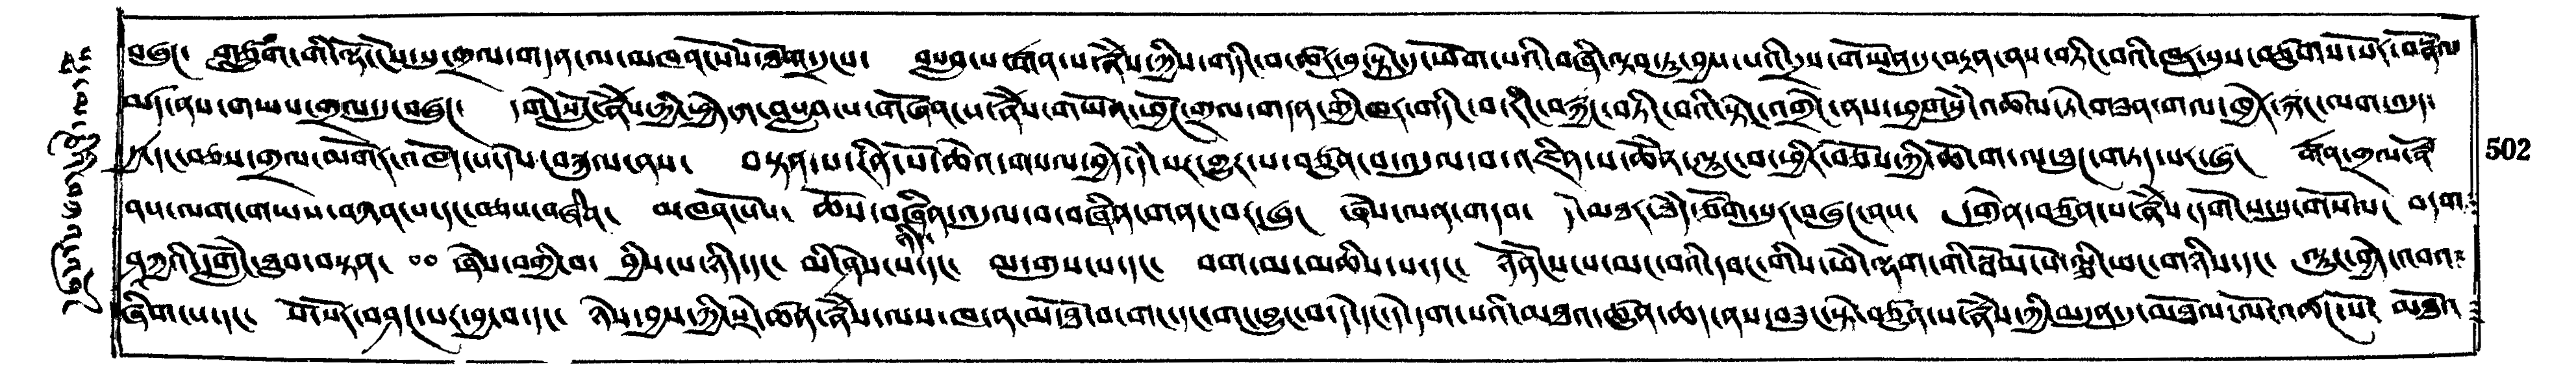བཞུགས། གཙུག་ལག་ཁང་གི་ལྷོ་ངོས་སུ་གྲལ་གདན་ལ་མཁན་པོས་ཐོག་དྲངས། བསླབ་པ་རྒན་པ་རྣམས་ཀྱིས་གདིང་བ་ཚར་བུ་སྟེང་དུ་ཕོག་པའི་བཞི་བལྟབས་བྱས་པའི་དྲས་གཡོན་དུ་བསྟན་ནས་བཏིང་བའི་ཁར་པུས་བཙུགས་སོར་བསྣོལ་
མཛད་ནས་གཡས་གྲལ་དུ་བཞུགས། དགེ་སློང་རྣམས་ཀྱི་ཕྱེད་ཀ་བསླབ་པ་གཞོན་པ་རྣམས་གཡོན་ཕྱོགས་གྲལ་གདན་གྱི་ཁར་གདིང་བ་རིང་བརྐྱང་བཏིང་བའི་སྟེང་འགྲེང་ནས་ཕྱག་གསུམ་འཚལ་ཏེ་གཟན་གལ་ཁྱེར་རྐང་ལག་འདུད་
རྒྱ་དང་བཅས་གྲལ་འགོར་འཁོད་པ་དེས་བསྐུལ་ནས།བསྟན་པ་རིན་པོ་ཆེའི་གསལ་བྱེད་དམ་པར་གྱུར་པ་བཙུན་པ་འདུལ་བ་འཛིན་པ་ཆེན་པོ་ལྟུང་བ་ཕྱིར་བཅོས་ཀྱི་ཆོ་ག་ལ་ཐུགས་གཏད་པར་ཞུ། རྒན་གྲལ་རྣམས་
ནས་ལག་གཡས་བཀན་པ་དང་བཅས་བཞིན། མཁན་པོས། ཆོས་བཞིན་འདུལ་བ་བཞིན་གནང་བར་ཞུ། ཞེས་ལན་གདབ། དེ་མཐར་ཐམས་ཅད་ཙོག་པུར་བཞུགས་ནས། དགེ་འདུན་བཙུན་པ་རྣམས་དགོངས་སུ་གསོལ། བདག་
ཤཱཀྱའི་དགེ་སློང་ཐུབ་བསྟན༴ ཞེས་བགྱི་བ། བྱིས་པ་ཉིད་དང་། མི་ཤེས་པ་ཉིད་དང་། མ་གུས་པ་དང་། བག་མ་མཆིས་པ་དང་། ཉོན་མོངས་པ་མང་བའི་དབང་གིས་ཕམ་ལྷག་གི་སྦོམ་པོ་ལྕི་ཡང་གཉིས་དང་། ལྟུང་བྱེད་འབའ་
ཞིག་པ་དང་། སོ་སོར་བཤགས་པར་བྱ་བ་དང་། ཉེས་བྱས་ཀྱི་སྡེ་ཚན་རྣམས་ལས་ཁ་ན་མ་ཐོ་བ་གང་དང་གང་བྱུང་བ་དེ་དག་པའི་མཐའ་ཚུན་ཆད་ནས་བཟུང་སྟེ་བཙུན་པ་རྣམས་ཀྱི་མདུན་དུ་མཐོལ་ལོ་འཆགས་སོ།། མཐོལ་